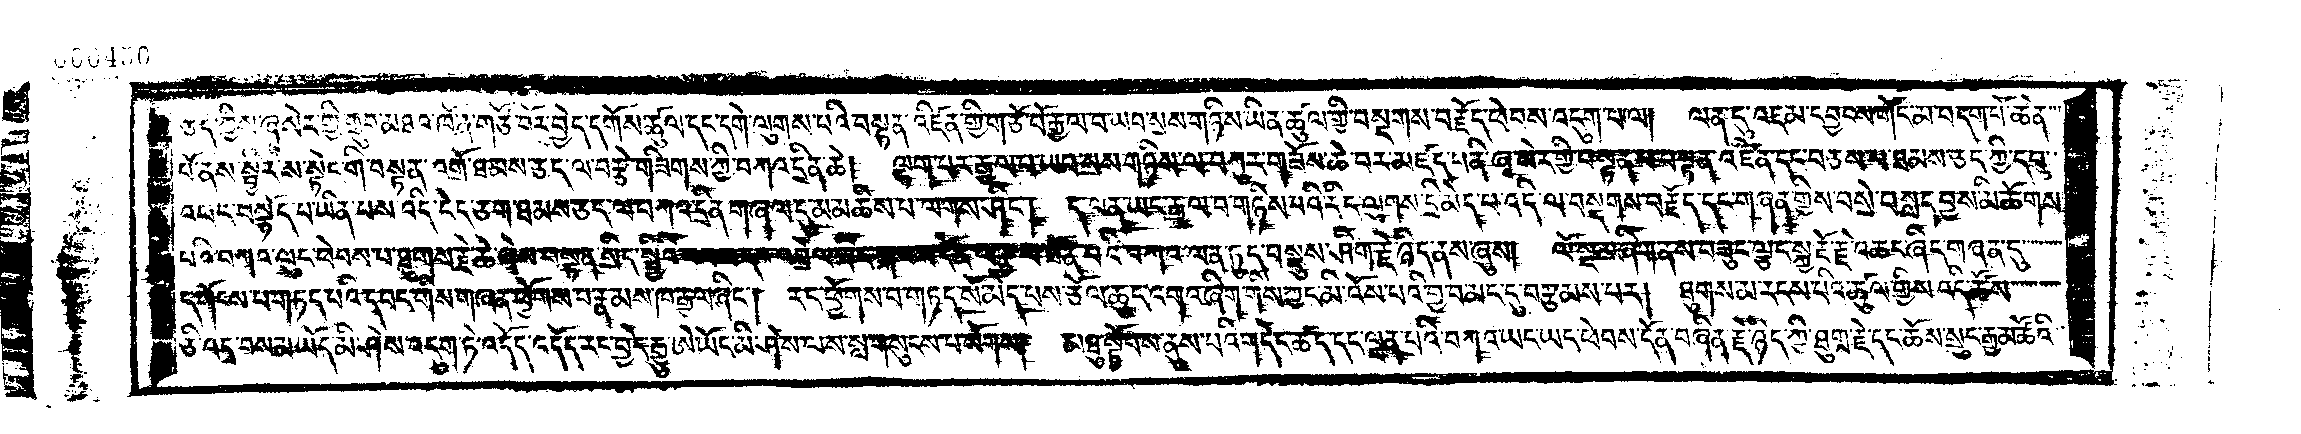ཅད་ཀྱིས་ཞྭ་སེར་གྱི་གྲུབ་མཐའ་ཁོ་ན་གཙོ་བོར་བྱེད་དགོས་ཚུལ་དང་དགེ་ལུགས་པའི་བསྟན་འཛིན་གྱི་གཙོ་བོ་རྒྱལ་བ་ཡབ་སྲས་གཉིས་ཡིན་ཚུལ་གྱི་བསྔགས་བརྗོད་ཕེབས་འདུག་པ་ལ། ལན་དུ་འཇམ་དབྱངས་གོང་མ་བདག་པོ་ཆེན་
པོ་ནས་སྤྱིར་ས་སྟེང་གི་བསྟན་འགྲོ་ཐམས་ཅད་ལ་བརྩེ་གཟིགས་ཀྱི་བཀའ་དྲིན་ཆེ། ལྷག་པར་རྒྱལ་བ་ཡབ་སྲས་གཉིས་ལ་བཀུར་གཟོས་ཆེ་བར་མཛད་པ་ནི་ཞྭ་སེར་གྱི་བསྟན་པ་བསྟན་འཛིན་དང་བཅས་པ་ཐམས་ཅད་ཀྱི་དབུ་
འཕང་བསྟོད་པ་ཡིན་པས་འདི་ངེད་ཅག་ཐམས་ཅད་ལ་བཀའ་དྲིན་གཞལ་དུ་མ་མཆིས་པ་ལགས་ཤིང་། ད་ལན་ཡང་རྒྱལ་བ་གཉིས་པའི་རིང་ལུགས་དྲི་མེད་པ་འདི་ལ་བསྔགས་བརྗོད་དང་གཞན་གྱིས་བསྲེ་བསླད་བྱས་མི་ཆོགས་
པའི་བཀའ་ལུང་ཕེབས་པ་ཐུགས་རྗེ་ཆེ་ཞེས་བསྟན་སྲིད་སྤྱིའི་བབས་དང་འབྲེལ་ཞིང་སྐབས་དོན་ལ་རྩལ་ཐོན་པའི་བཀའ་ལན་ཉུང་བསྡུས་ཤིང་རྗེ་ཉིད་ནས་ཞུས། ལོ་སྔ་མ་ཞིག་ནས་བཟུང་ལྕང་སྐྱ་རྡོ་རྗེ་འཆང་ཞིང་གཞན་དུ་
དགོངས་པ་གཏད་པའི་དབང་གིས་གཞན་ཕྱོགས་པ་རྣམས་ཁ་རྒྱལ་ཞིང་། རང་ཕྱོགས་པ་གཏད་སོ་མེད་པས་ཅོལ་ཆུང་འགའ་ཞིག་གིས་ཀྱང་མི་འོས་པའི་བྱ་བ་མང་དུ་བརྩམས་པར། ཐུགས་མ་རངས་པའི་ཚུལ་གྱིས་འདི་ཚོས་
ཅི་འདྲ་བསམ་ཡོད་མི་ཤེས་འདུག་ཏེ་འདོད་འདོད་རང་བྱེད་རྒྱུ་ཨེ་ཡོང་མི་ཤེས་ལས་སླ་གསུངས་པ་སོགས། མཐུ་སྟོབས་ནུས་པའི་གདེང་ཚད་དང་ལྡན་པའི་བཀའ་ཡང་ཡང་ཕེབས་དོན་བཞིན་རྗེ་ཉིད་ཀྱི་ཐུགས་རྗེ་དང་ཆོས་སྲུང་རྒྱ་མཚོའི་